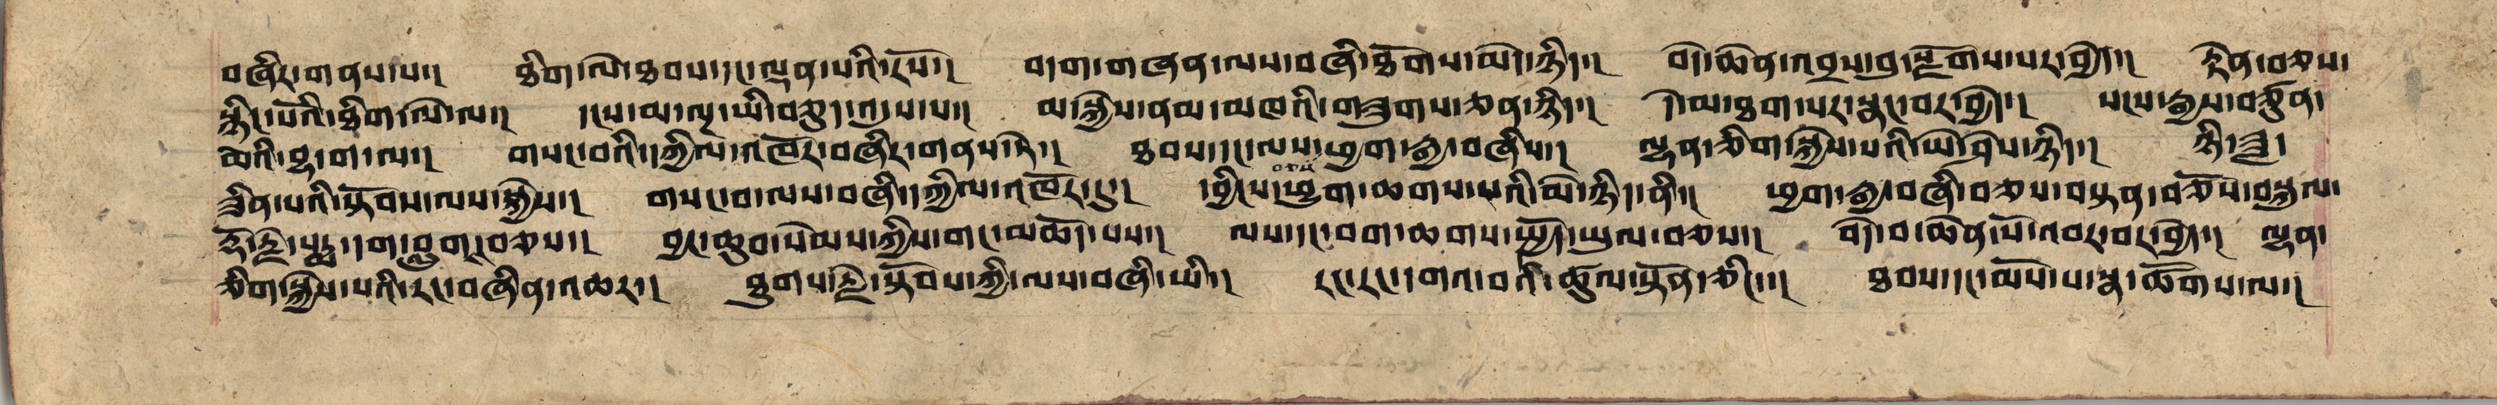བཞིར་གནས་པ་། ཐིག་ལེ་ཐབས་དང་ལྡན་པའི་རོས་། བདག་གཞན་ལས་བཞི་ཐོགས་མེད་ཉིད་། བདེ་ཆེན་འབྲས་བུ་སྫོགས་པར་བྱེད་། རྟེན་བཅས་
སྙིང་པོའི་ཐིག་ལེ་ལ་། དངས་མ་ལྔ་ཡི་བཅུད་འདུས་པ་། མ་སྐྱེས་ནམ་མཁའི་གཟུགས་ཅན་ཉིད་། དེ་མ་ཐག་པར་སྣང་བར་བྱེད་། སངས་རྒྱས་བཙུན་
ཆེའི་བྷ་ག་ལ་། གསང་བའི་དཀྱིལ་འཁོར་བཞིར་གནས་ཏེ་། ཐབས་དང་ལས་བཅས་ཕྱག་རྒྱ་བཞིས་། ལྷན་ཅིག་སྐྱེས་པའི་ཡེ་ཤེས་ཉིད་། ཉི་ཟླ་
ཟིན་པའི་སྟོབས་ལས་སྐྱེས་། གསང་བ་ལས་བཞི་དཀྱིལ་འཁོར་དུ་། དབྱིངས་ཕྱུག་ཆགས་པའི་མེ་ཉིད་ནི་། ཕྱག་རྒྱ་བཞི་བཅས་བསྟན་བཅོས་བསྐུལ་
རྡོ་རྗེ་པདྨ་དག་བླུག་བཅས་། བྱང་ཆུབ་སེམས་ཀྱིས་གང་མཆོད་པས་། ལས་དང་བག་ཆགས་སྤྱོད་ཡུལ་བཅས་། བདེ་བ་ཆེན་པོ་འབར་བར་བྱེད་། ལྷན་
ཅིག་སྐྱེས་པའི་རང་བཞིན་འཆར་། ཐུགས་རྗེ་སྟོབས་ཀྱི་ལས་བཞི་ཡི་། རང་རང་དགའ་བའི་ཚུལ་སྟོན་ཅིང་་། ཐབས་དང་མོས་པ་སྣ་ཚོགས་ལ་།